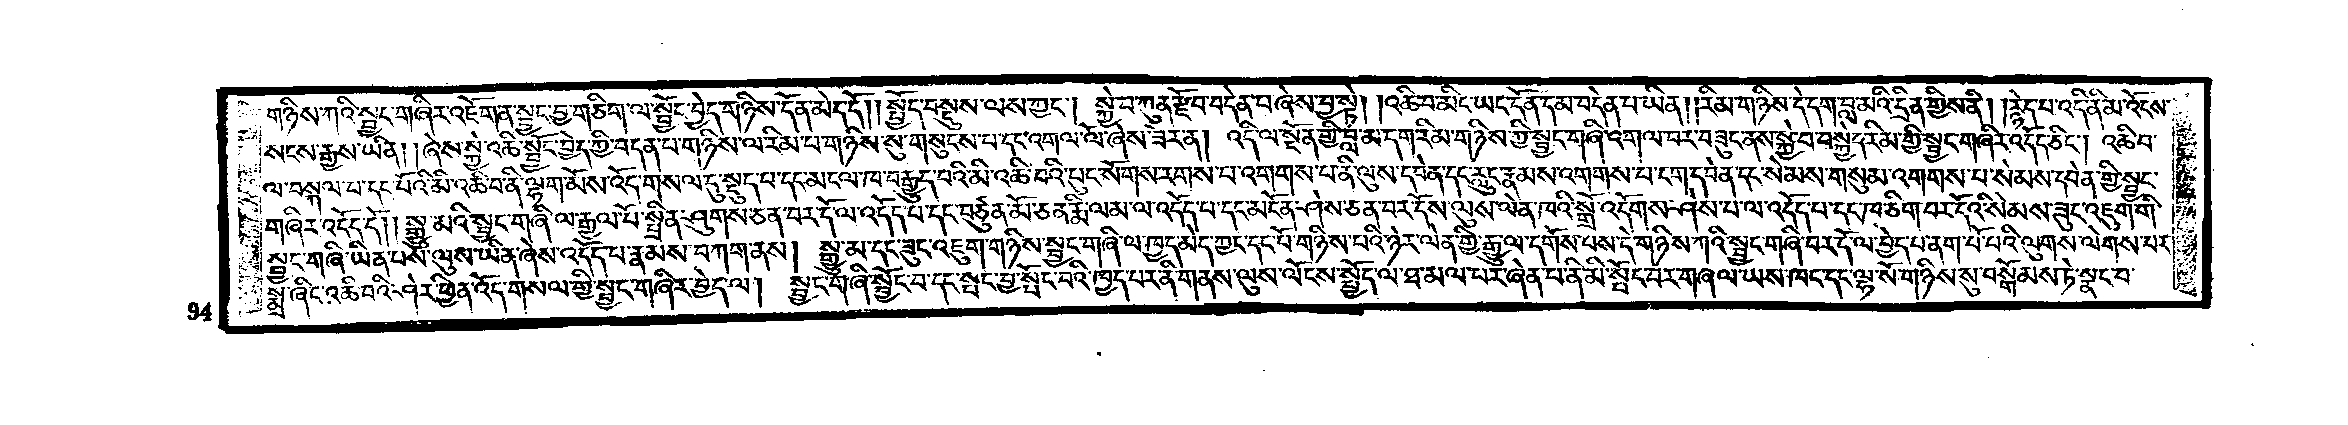གཉིས་ཀའི་སྦྱང་གཞིར་འཇོག་ན་སྦྱང་བྱ་གཅིག་ལ་སྦྱོང་བྱེད་གཉིས་དོན་མེད་དོ། །དཔྱོད་བསྡུས་ལས་ཀྱང་། སྐྱེ་བ་ཀུན་རྫོབ་བདེན་པ་ཞེས་བྱ་སྟེ། །འཆི་བ་མིང་ཡང་དོན་དམ་བདེན་པ་ཡིན། །རིམ་གཉིས་དེ་དག་བླ་མའི་དྲིན་གྱིས་ནི། །རྙེད་པ་འདི་ནི་མ་འོངས་
སངས་རྒྱས་ཡིན། །ཞེས་སྐྱེ་འཆི་སྦྱོང་བྱེད་ཀྱི་བདན་པ་གཉིས་ལ་རིམ་པ་གཉིས་སུ་གསུངས་པ་དང་འགལ་ལོ་ཞེས་ཟེར་ན། འདི་ལ་སྔོན་གྱི་བླ་མ་དག་རིམ་གཉིས་ཀྱི་སྦྱང་གཞི་འགལ་བར་བཟུང་ནས་སྐྱེ་བ་བསྐྱེད་རིམ་གྱི་སྦྱང་གཞིར་འདོད་ཅིང་། འཆི་བ་
ལ་བསྐལ་པ་དང་པོའི་མི་འཆི་བ་ནི་ལྷག་མོས་འོད་གསལ་དུ་སྡུད་པ་དང་མངལ་ཁ་བརྒྱུད་བའི་མི་འཆི་བའི་ཕུང་སོགས་རགས་པ་འགགས་པ་ནི་ལུས་དབེན་དང་རླུང་རྣམས་འགགས་པ་ངག་དབེན་དང་སེམས་གསུམ་འགགས་པ་སེམས་དབེན་གྱི་སྦྱང་
གཞིར་འདོད་དོ། །སྒྱུ་མའི་སྦྱང་གཞི་ལ་རྒྱལ་པོ་སྤྲིན་ཤུགས་ཅན་བར་དོ་ལ་འདོད་པ་དང་བཙུན་མོ་ཅན་རྨི་ལམ་ལ་འདོད་པ་དང་མངོན་ཤེས་ཅན་བར་དོས་ལུས་ལེན་ཁའི་སྒྲོ་འདོགས་ཤེས་པ་ལ་འདོད་པ་དང་ཁ་ཅིག་བར་དོའི་སེམས་ཟུང་འཇུག་གི་
སྦྱང་གཞི་ཡིན་པས་ལུས་ཡིན་ཞེས་འདོད་པ་རྣམས་བཀག་ནས། སྒྱུ་མ་དང་ཟུང་འཇུག་གཉིས་སྦྱང་གཞི་ལ་ཁྱད་མེད་ཀྱང་དང་པོ་གཉིས་པའི་ཉེར་ལེན་གྱི་རྒྱུ་ལ་དགོས་པས་དེ་གཉིས་ཀའི་སྦྱང་གཞི་བར་དོ་ལ་བྱེད་པ་ནག་པོ་པའི་ལུགས་ལེགས་པར་
སྨྲ་ཞིང་འཆི་བའི་ཤེར་ཕྱིན་འོད་གསལ་གྱི་སྦྱང་གཞིར་བྱེད་ལ། སྦྱང་གཞི་སྦྱོང་བ་དང་སྤང་བྱ་སྤོང་བའི་ཁྱད་པར་ནི་གནས་ལུས་ལོངས་སྤྱོད་ལ་ཐ་མལ་པར་ཞེན་པ་ནི་མི་སྤོང་བར་གཞལ་ཡས་ཁང་དང་ལྷ་སོ་གཉིས་སུ་བསྒོམས་ཏེ་སྣང་བ་